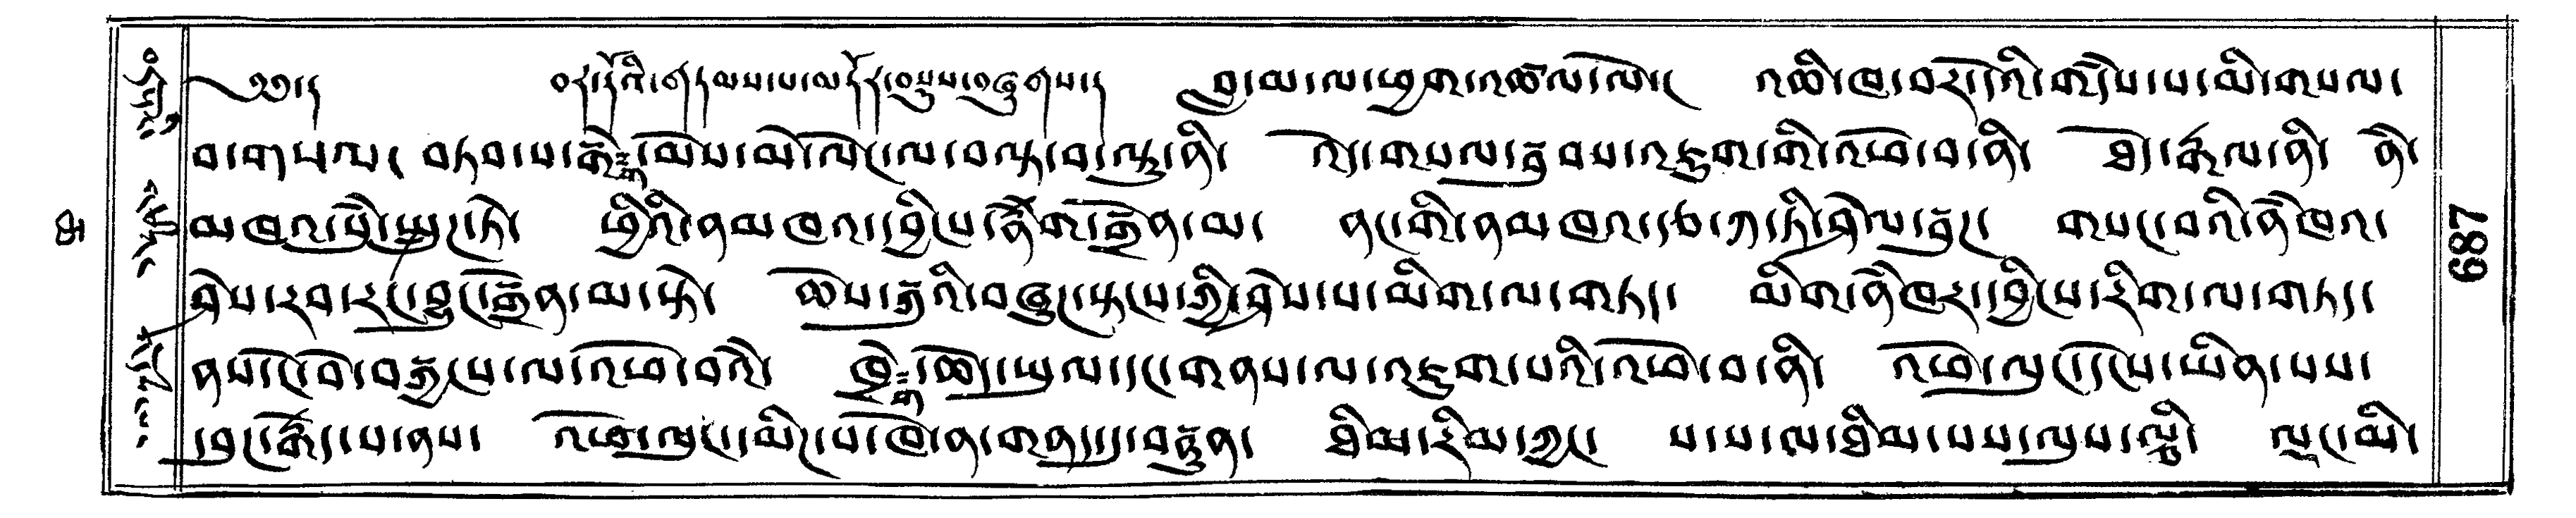༄༅། བར་དོའི་གདམས་པ་མདོར་བསྡུས་བཞུགས། བླ་མ་ལ་ཕྱག་འཚལ་ལོ། འཆི་ཁ་བར་དོའི་གདམས་པ་མི་གསལ་
བ་གསལ་བཏབ་པ་སྒེག་མོས་མེ་ལོང་ལ་བལྟ་བ་ལྟ་བུ་འོད་གསལ་སྦུབས་འཇུག་གི་འཕོ་བ་ནི། ཐོད་རྒལ་ནམ་
མཁའ་སུམ་སྤྲུགས་ཏེ། ཕྱིའི་ནམ་མཁའ་དབྱིངས་རྣམ་དག་སྒྲོན་མ། ནང་གི་ནམ་མཁའ་རྩ་ཀ་ཏི་ཤེལ་སྦུག གསང་བའི་ནམ་མཁའ་
ཤེས་རབ་རང་བྱུང་སྒྲོན་མ་སྟེ། ཆོས་སྐུའི་བཞུགས་སྟངས་ཀྱི་ཤེས་པ་མིག་ལ་གཏད། མིག་ནམ་མཁར་དབྱིངས་རིག་ལ་གཏད་
ནས་ངོ་བོ་བསྐྱངས་ལ་འཕོ་བའམ། ཁྲེགས་ཆོད་ཡུལ་དང་གནས་ལ་འཇུག་པའི་འཕོ་བ་ནི། འཕོ་ལུང་དངོས་ཡིན་པས་
དབུགས་རྒོད་པ་ནས། འཕོ་ལུང་དམིགས་པ་ཁོ་ན་གནད་དུ་བསྣུན། ཐིམ་རིམ་ཀྱང་ས་ས་ལ་ཐིམ་པས་ལུས་ལྕི། ལྡང་མི་